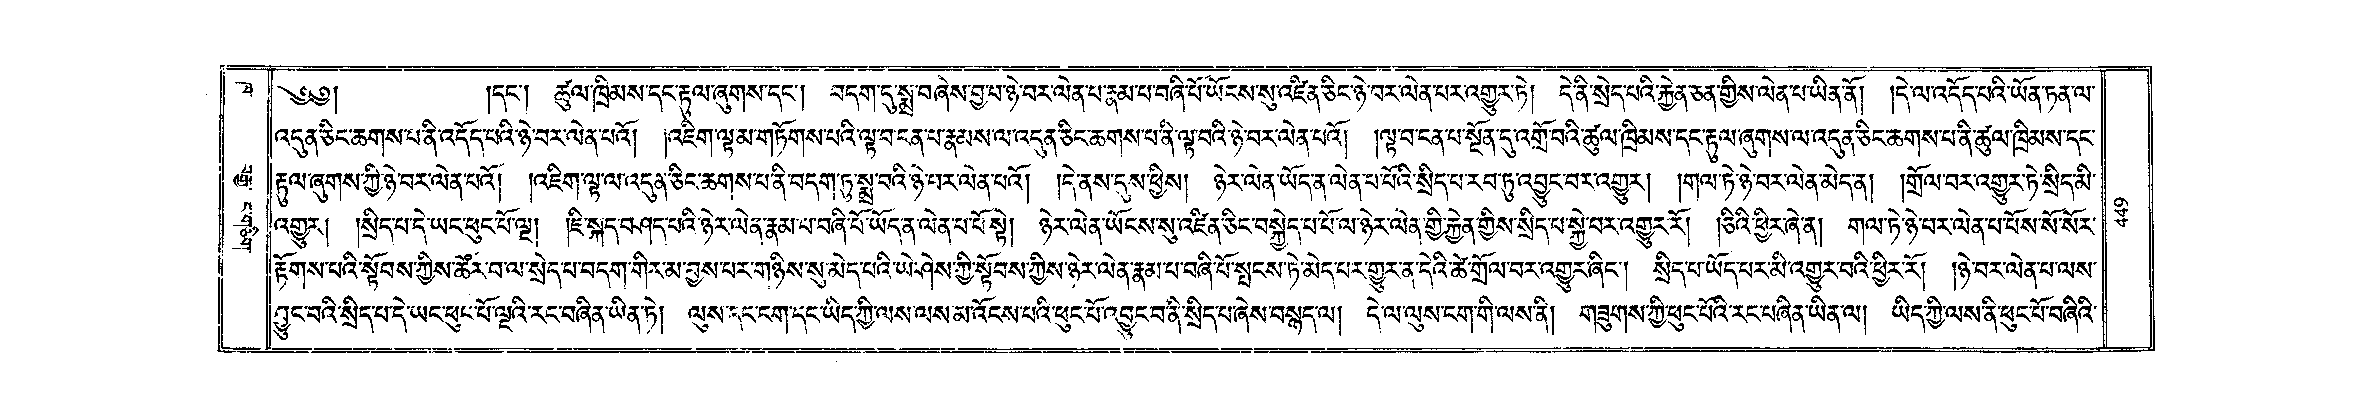༄༅། །དང་། ཚུལ་ཁྲིམས་དང་རྟུལ་ཞུགས་དང་། བདག་དུ་སྨྲ་བ་ཞེས་བྱ་བ་ཉེ་བར་ལེན་པ་རྣམ་པ་བཞི་པོ་ཡོངས་སུ་འཛིན་ཅིང་ཉེ་བར་ལེན་པར་འགྱུར་ཏེ། དེ་ནི་སྲེད་པའི་རྐྱེན་ཅན་གྱིས་ལེན་པ་ཡིན་ནོ། །དེ་ལ་འདོད་པའི་ཡོན་ཏན་ལ་
འདུན་ཅིང་ཆགས་པ་ནི་འདོད་པའི་ཉེ་བར་ལེན་པའོ། །འཇིག་ལྟ་མ་གཏོགས་པའི་ལྟ་བ་ངན་པ་རྣམས་ལ་འདུན་ཅིང་ཆགས་པ་ནི་ལྟ་བའི་ཉེ་བར་ལེན་པའོ། །ལྟ་བ་ངན་པ་སྔོན་དུ་འགྲོ་བའི་ཚུལ་ཁྲིམས་དང་རྟུལ་ཞུགས་ལ་འདུན་ཅིང་ཆགས་པ་ནི་ཚུལ་ཁྲིམས་དང་
རྟུལ་ཞུགས་ཀྱི་ཉེ་བར་ལེན་པའོ། །འཇིག་ལྟ་ལ་འདུན་ཅིང་ཆགས་པ་ནི་བདག་ཏུ་སྨྲ་བའི་ཉེ་བར་ལེན་པའོ། །དེ་ནས་དུས་ཕྱིས། ཉེར་ལེན་ཡོད་ན་ལེན་པ་པོའི་སྲིད་པ་རབ་ཏུ་འབྱུང་བར་འགྱུར། །གལ་ཏེ་ཉེ་བར་ལེན་མེད་ན། །གྲོལ་བར་འགྱུར་ཏེ་སྲིད་མི་
འགྱུར། །སྲིད་པ་དེ་ཡང་ཕུང་པོ་ལྔ། །ཇི་སྐད་བཤད་པའི་ཉེར་ལེན་རྣམ་པ་བཞི་པོ་ཡོད་ན་ལེན་པ་པོ་སྟེ། ཉེར་ལེན་ཡོངས་སུ་འཛིན་ཅིང་བསྐྱེད་པ་པོ་ལ་ཉེར་ལེན་གྱི་རྐྱེན་གྱིས་སྲིད་པ་སྐྱེ་བར་འགྱུར་རོ། །ཅིའི་ཕྱིར་ཞེ་ན། གལ་ཏེ་ཉེ་བར་ལེན་པ་པོས་སོ་སོར་
རྟོགས་པའི་སྟོབས་ཀྱིས་ཚོར་བ་ལ་སྲེད་པ་བདག་གིར་མ་བྱས་པར་གཉིས་སུ་མེད་པའི་ཡེ་ཤེས་ཀྱི་སྟོབས་ཀྱིས་ཉེར་ལེན་རྣམ་པ་བཞི་པོ་སྤངས་ཏེ་མེད་པར་གྱུར་ན་དེའི་ཚེ་གྲོལ་བར་འགྱུར་ཞིང་། སྲིད་པ་ཡོད་པར་མི་འགྱུར་བའི་ཕྱིར་རོ། །ཉེ་བར་ལེན་པ་ལས་
བྱུང་བའི་སྲིད་པ་དེ་ཡང་ཕུང་པོ་ལྔའི་རང་བཞིན་ཡིན་ཏེ། ལུས་དང་ངག་དང་ཡིད་ཀྱི་ལས་ལས་མ་འོངས་པའི་ཕུང་པོ་འབྱུང་བ་ནི་སྲིད་པ་ཞེས་བསྙད་ལ། དེ་ལ་ལུས་ངག་གི་ལས་ནི། གཟུགས་ཀྱི་ཕུང་པོའི་རང་བཞིན་ཡིན་ལ། ཡིད་ཀྱི་ལས་ནི་ཕུང་པོ་བཞིའི་